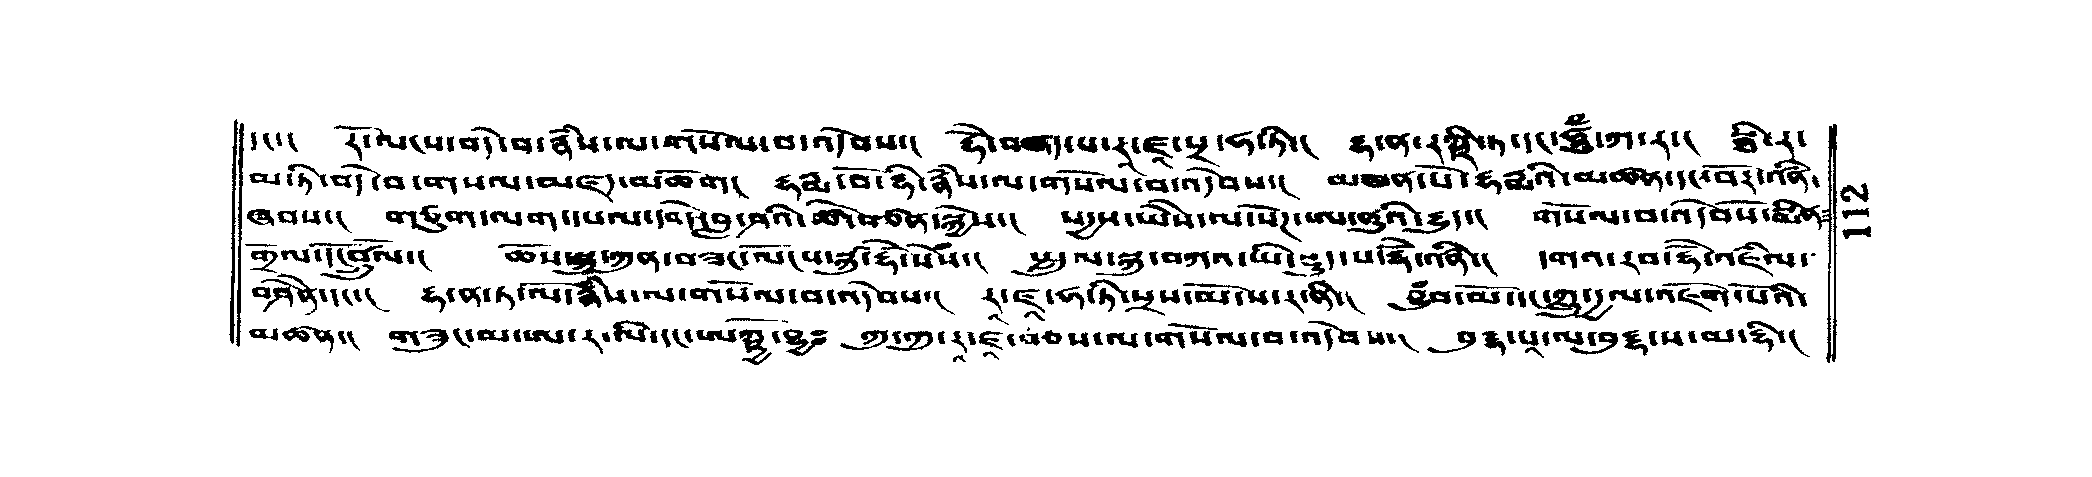དང་། །རོ་ལངས་བདེ་བ་རྣམས་ལ་གསོལ་བ་འདེབས། །རྡོ་རྗེ་བཞད་པ་རཱ་ཛཱ་པྲ་ཧ་ཏི། །དྷ་ན་རཀྵི་ཏ་དང་ཧཱུྃ་ཀ་ར། །སྠི་ར་
མ་ཏི་བདེ་བ་གསལ་མཛད་མཆོག །དྷརྨ་བོ་དྷི་རྣམས་ལ་གསོལ་བ་འདེབས། །མཁན་པོ་དྷརྨའི་མཚན་དང་ནོར་འཛིན་
ཞབས། །གཙུག་ལག་དཔལ་དགེ་བྲུ་ཤ་ཚེ་བཙན་སྐྱེས། །སངས་རྒྱས་ཡེ་ཤེས་ལ་སོགས་ཨ་ནུའི་བརྒྱུད། །གསོལ་བ་འདེབས་སོ་སྨིན་
གྲོལ་དངོས་གྲུབ་སྩོལ། །ཆོས་སྐུ་ཀུན་བཟང་ལོངས་སྐུ་རྡོ་རྗེ་སེམས། །སྤྲུལ་སྐུ་བཀའ་ཡི་སྡུད་པ་རྡོ་རྗེ་འཛིན། །དགའ་རབ་རྡོ་རྗེ་འཇམ་དཔལ་
བཤེས་གཉེན་དང་། །དྷ་ན་ཏ་ལོ་རྣམས་ལ་གསོལ་བ་འདེབས། །རཱ་ཛཱ་ཧ་སྟི་སྲས་མོ་ས་ར་ནི། །བྱང་ཆུབ་མོ་དང་ཀླུ་རྒྱལ་འཇོག་པོའི་
མཚན། །གཟུངས་མ་ཨ་ར་ལི་དང་ཨཀྵོ་བྷྱེཿ །ཀུ་ཀུ་རཱ་ཛཱ་བཅས་ལ་གསོལ་བ་འདེབས། །བུདྡྷ་པཱ་ལ་བུདྡྷ་ས་མ་དྷི།